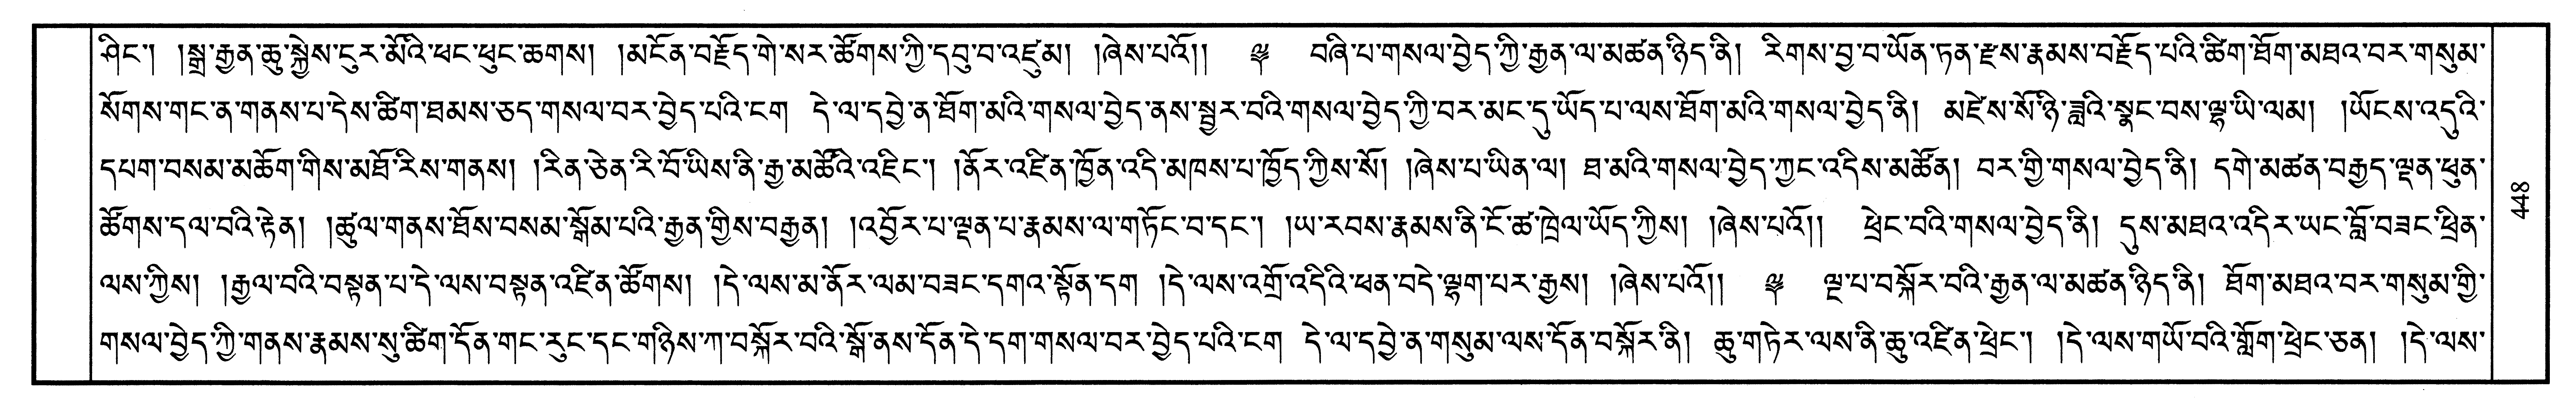ཤིང་། །སྒྲ་རྒྱན་ཆུ་སྐྱེས་ངུར་མོའི་ཕང་ཕུང་ཆགས། །མངོན་བརྗོད་གེ་སར་ཚོགས་ཀྱི་དབུ་བ་འཛུམ། །ཞེས་པའོ།། ༈ བཞི་པ་གསལ་བྱེད་ཀྱི་རྒྱན་ལ་མཚན་ཉིད་ནི། རིགས་བྱ་བ་ཡོན་ཏན་རྫས་རྣམས་བརྗོད་པའི་ཚིག་ཐོག་མཐའ་བར་གསུམ་
སོགས་གང་ན་གནས་པ་དེས་ཚིག་ཐམས་ཅད་གསལ་བར་བྱེད་པའི་ངག་དེ་ལ་དབྱེ་ན་ཐོག་མའི་གསལ་བྱེད་ནས་སྦྱར་བའི་གསལ་བྱེད་ཀྱི་བར་མང་དུ་ཡོད་པ་ལས་ཐོག་མའི་གསལ་བྱེད་ནི། མཛེས་སོ་ཉི་ཟླའི་སྣང་བས་ལྷ་ཡི་ལམ། །ཡོངས་འདུའི་
དཔག་བསམ་མཆོག་གིས་མཐོ་རིས་གནས། །རིན་ཅེན་རི་བོ་ཡིས་ནི་རྒྱ་མཚོའི་འཇིང་། །ནོར་འཛིན་ཁྱོན་འདི་མཁས་པ་ཁྱོད་ཀྱིས་སོ། །ཞེས་པ་ཡིན་ལ། ཐ་མའི་གསལ་བྱེད་ཀྱང་འདིས་མཚོན། བར་གྱི་གསལ་བྱེད་ནི། དགེ་མཚན་བརྒྱད་ལྡན་ཕུན་
ཚོགས་དལ་བའི་རྟེན། །ཚུལ་གནས་ཐོས་བསམ་སྒོམ་པའི་རྒྱན་གྱིས་བརྒྱན། །འབྱོར་པ་ལྡན་པ་རྣམས་ལ་གཏོང་བ་དང་། །ཡ་རབས་རྣམས་ནི་ངོ་ཚ་ཁྲེལ་ཡོད་ཀྱིས། །ཞེས་པའོ།། ཕྲེང་བའི་གསལ་བྱེད་ནི། དུས་མཐའ་འདིར་ཡང་བློ་བཟང་ཕྲིན་
ལས་ཀྱིས། །རྒྱལ་བའི་བསྟན་པ་དེ་ལས་བསྟན་འཛིན་ཚོགས། །དེ་ལས་མ་ནོར་ལམ་བཟང་དགའ་སྟོན་དག །དེ་ལས་འགྲོ་འདིའི་ཕན་བདེ་ལྷག་པར་རྒྱས། །ཞེས་པའོ།། ༈ ལྔ་པ་བསྐོར་བའི་རྒྱན་ལ་མཚན་ཉིད་ནི། ཐོག་མཐའ་བར་གསུམ་གྱི་
གསལ་བྱེད་ཀྱི་གནས་རྣམས་སུ་ཚིག་དོན་གང་རུང་དང་གཉིས་ཀ་བསྐོར་བའི་སྒོ་ནས་དོན་དེ་དག་གསལ་བར་བྱེད་པའི་ངག་དེ་ལ་དབྱེ་ན་གསུམ་ལས་དོན་བསྐོར་ནི། ཆུ་གཏེར་ལས་ནི་ཆུ་འཛིན་ཕྲེང་། །དེ་ལས་གཡོ་བའི་གློག་ཕྲེང་ཅན། །དེ་ལས་